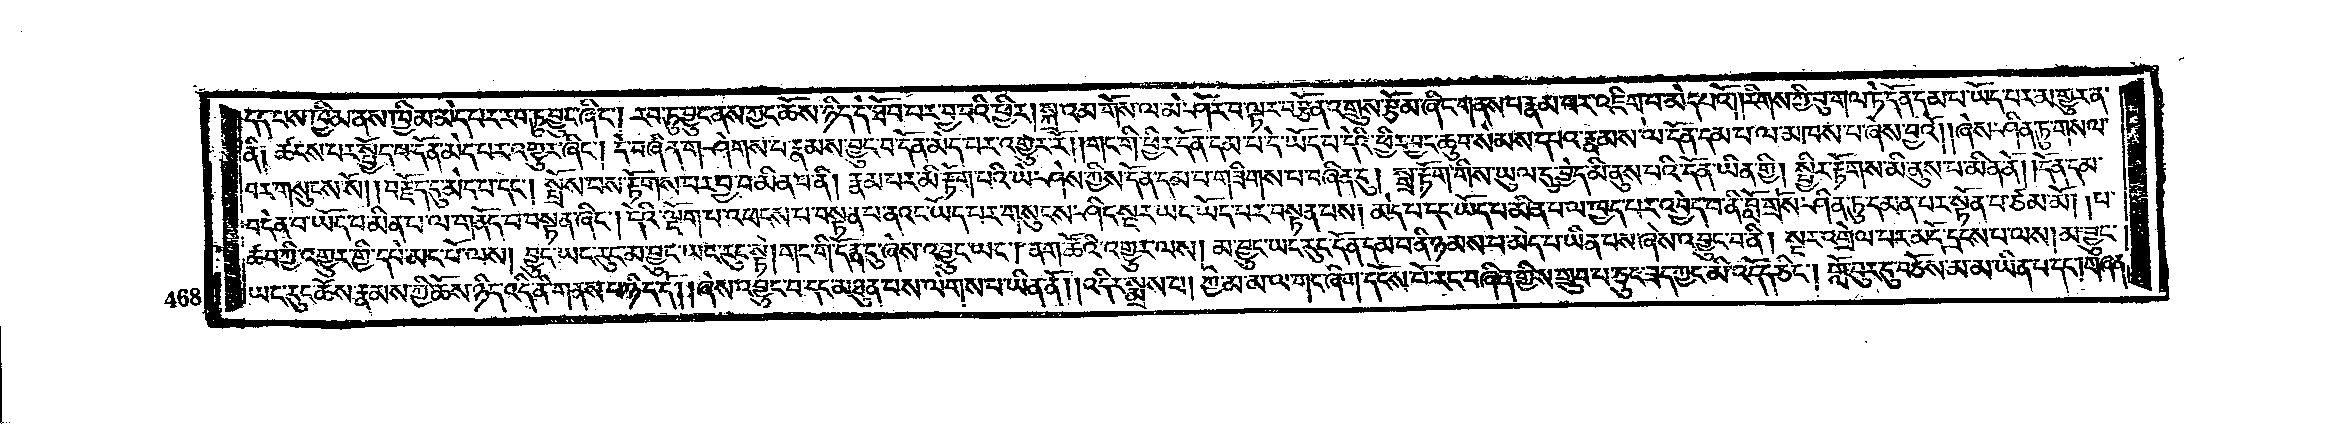དད་པས་ཁྱིམ་ནས་ཁྱིམ་མེད་པར་རབ་ཏུ་བྱུང་ཞིང་། རབ་ཏུ་བྱུང་ནས་ཀྱང་ཆོས་ཉིད་དེ་ཐོབ་པར་བྱ་བའི་ཕྱིར། སྐྲ་འམ་གོས་ལ་མེ་ཤོར་བ་ལྟར་བརྩོན་འགྲུས་རྩོམ་ཞིང་གནས་པ་རྣམ་པར་འཇིག་པ་མེད་པའོ། །རིགས་ཀྱི་བུ་གལ་ཏེ་དོན་དམ་པ་ཡོད་པར་མ་གྱུར་ན་
ནི། ཚངས་པར་སྤྱོད་པ་དོན་མེད་པར་འགྱུར་ཞིང་། དེ་བཞིན་གཤེགས་པ་རྣམས་བྱུང་བ་དོན་མེད་པར་འགྱུར་རོ། །གང་གི་ཕྱིར་དོན་དམ་པ་དེ་ཡོད་པ་དེའི་ཕྱིར་བྱང་ཆུབ་སེམས་དཔའ་རྣམས་ལ་དོན་དམ་པ་ལ་མཁས་པ་ཞེས་བྱའོ། །ཞེས་ཤིན་ཏུ་གསལ་
བར་གསུངས་སོ། །བརྗོད་དུ་མེད་པ་དང་། སྤྲོས་པས་རྟོགས་པར་བྱ་བ་མིན་པ་ནི། རྣམ་པར་མི་རྟོག་པའི་ཡེ་ཤེས་ཀྱིས་དོན་དམ་པ་གཟིགས་པ་བཞིན་དུ། སྒྲ་རྟོག་གིས་ཡུལ་དུ་བྱེད་མི་ནུས་པའི་དོན་ཡིན་གྱི། སྤྱིར་རྟོགས་མི་ནུས་པ་མིན་ནོ། །དོན་དམ་
བདེན་པ་ཡོད་པ་མིན་པ་ལ་གནོད་པ་བསྟན་ཞིང་། དེའི་ལྡོག་པ་འཕངས་པ་བསྟན་པ་ནའང་ཡོད་པར་གསུངས་ཤིང་སྔར་ཡང་ཡོད་པར་བསྟན་པས། མེད་པ་དང་ཡོད་པ་མིན་པ་ལ་ཁྱད་པར་འབྱེད་པ་ནི་བློ་གྲོས་ཤིན་ཏུ་དམན་པར་སྟོན་པ་ཙམ་མོ། །པ་
ཚབ་ཀྱི་འགྱུར་གྱི་དཔེ་མང་པོ་ལས། བྱུང་ཡང་རུང་མ་བྱུང་ཡང་རུང་སྟེ། གང་གི་དོན་དུ་ཞེས་འབྱུང་ཡང་། ནག་ཚོའི་འགྱུར་ལས། མ་བྱུང་ཡང་རུང་དོན་དམ་པ་ནི་ཉམས་པ་མེད་པ་ཡིན་པས་ཞེས་འབྱུང་བ་ནི། སྔར་འགྲེལ་པར་མདོ་དྲངས་པ་ལས། མ་བྱུང་
ཡང་རུང་ཆོས་རྣམས་ཀྱི་ཆོས་ཉིད་འདི་ནི་གནས་པ་ཉིད་དོ། །ཞེས་འབྱུང་བ་དང་མཐུན་པས་ལེགས་པ་ཡིན་ནོ། །འདིར་སྨྲས་པ། ཀྱེ་མ་མ་ལ་གང་ཞིག་དངོས་པོ་རང་བཞིན་གྱིས་གྲུབ་པ་ཅུང་ཟད་ཀྱང་མི་འདོད་ཅིང་། གློ་བུར་དུ་བཅོས་མ་མ་ཡིན་པ་དང་། གཞན་